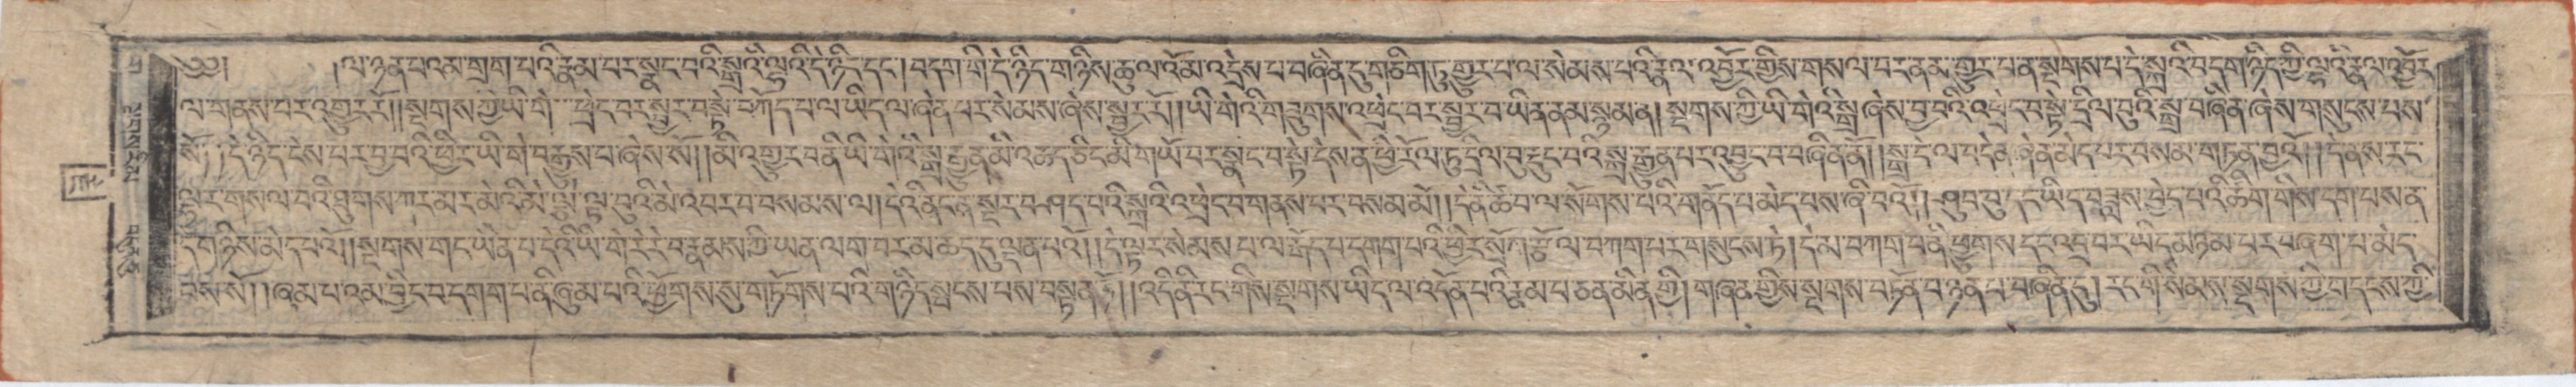༄༅། །ལ་ཉན་པའམ་གྲག་པའི་རྣམ་པར་སྣང་བའི་སྒྲའི་ལྷའི་དེ་ཉིད་དང་། བདག་གི་དེ་ཉིད་གཉིས་ཆུ་ལ་འོ་མ་འདྲེས་པ་བཞིན་དུ་གཅིག་ཏུ་གྱུར་པ་ལ་སེམས་པའི་རྣལ་འབྱོར་གྱིས་གསལ་བར་ནམ་གྱུར་པ་ན་སྔགས་པ་དེ་སྐྲའི་བདག་ཉིད་ཀྱི་ལྷའི་རྣལ་འབྱོར་
ལ་གནས་པར་འགྱུར་རོ། །སྔགས་ཀྱི་ཡི་གེ་ཕྲེང་བར་སྦྱར་བ་སྟེ་བཀོད་པ་ལ་ཡིད་ལ་ཞེན་པར་སེམས་ཞེས་སྦྱར་རོ། །ཡི་གེའི་གཟུགས་འཕྲེང་བར་སྦྱར་བ་ཡིན་ནམ་སྙམ་ན། སྔགས་ཀྱི་ཡི་གེའི་སྒྲ་ཞེས་བྱ་བའི་འཕྲེང་བ་སྟེ་དྲིལ་བུའི་སྒྲ་བཞིན་ཞེས་གསུངས་པས་
སོ༑ ༑དེ་ཉིད་ངེས་པར་བྱ་བའི་ཕྱིར་ཡི་གེ་བརྒྱུས་པ་ཞེས་སོ། །མི་འགྱུར་བ་ནི་ཡི་གེའི་སྒྲ་རྒྱུན་མི་འཆད་ཅིང་མི་གཡོ་བར་སྣང་བ་སྟེ་དེས་ན་ཕྱི་རོལ་ཏུ་དྲིལ་བུ་རྡུང་བའི་སྒྲ་རྒྱུན་པར་འབྱུང་བ་བཞིན་ནོ། །སྒྲ་དེ་ལ་བདེན་ཞེན་མེད་པར་བསམ་གཏན་བྱའོ། །དེ་ནས་རང་
ལྷར་གསལ་བའི་ཐུགས་ཀར་མར་མེའི་མེ་ལྕེ་ལྟ་བུའི་མེ་འབར་བ་བསམས་ལ། དེའི་ནང་ན་སྔར་བཤད་པའི་སྒྲའི་འཕྲེང་བ་གནས་པར་བསམ་མོ། །དེ་ནི་ཚ་བ་ལ་སོགས་པའི་གནོད་པ་མེད་པས་ཞི་བའོ། །ཤུབ་བུ་དང་ཡིད་བཟླས་བྱེད་པའི་ཚིག་གིས་དག་པས་ན་
དེ་གཉིས་མེད་པའོ། །སྔགས་གང་ཡིན་པ་དེའི་ཡི་གེ་རེ་རེ་བ་རྣམས་ཀྱི་ཡན་ལག་བར་མ་ཆད་དུ་ལྡན་པའོ། །དེ་ལྟར་སེམས་པ་ལ་རྒོད་པ་དགག་པའི་ཕྱིར་སྲོག་རྩོལ་བཀག་པར་གསུངས་ཏེ། དེ་མ་བཀག་པ་ནི་ཕྱུགས་དང་འདྲ་བར་ཡིད་མཉམ་པར་བཞག་པ་མེད་
པས་སོ། །ཞུམ་པ་འམ་བྱིང་བ་དགག་པ་ནི་ཞུམ་པའི་ཕྱོགས་སུ་གཏོགས་པའི་གཉིད་སྤངས་པས་བསྟན་ཏོ། །འདི་ནི་རང་གིས་སྔགས་ཡིད་ལ་འདོན་པའི་རྣམ་པ་ཅན་མིན་གྱི། གཞན་གྱིས་སྔགས་བཏོན་པ་ཉན་པ་བཞིན་དུ། རང་གི་སེམས་སྔགས་ཀྱི་གདངས་ཀྱི་